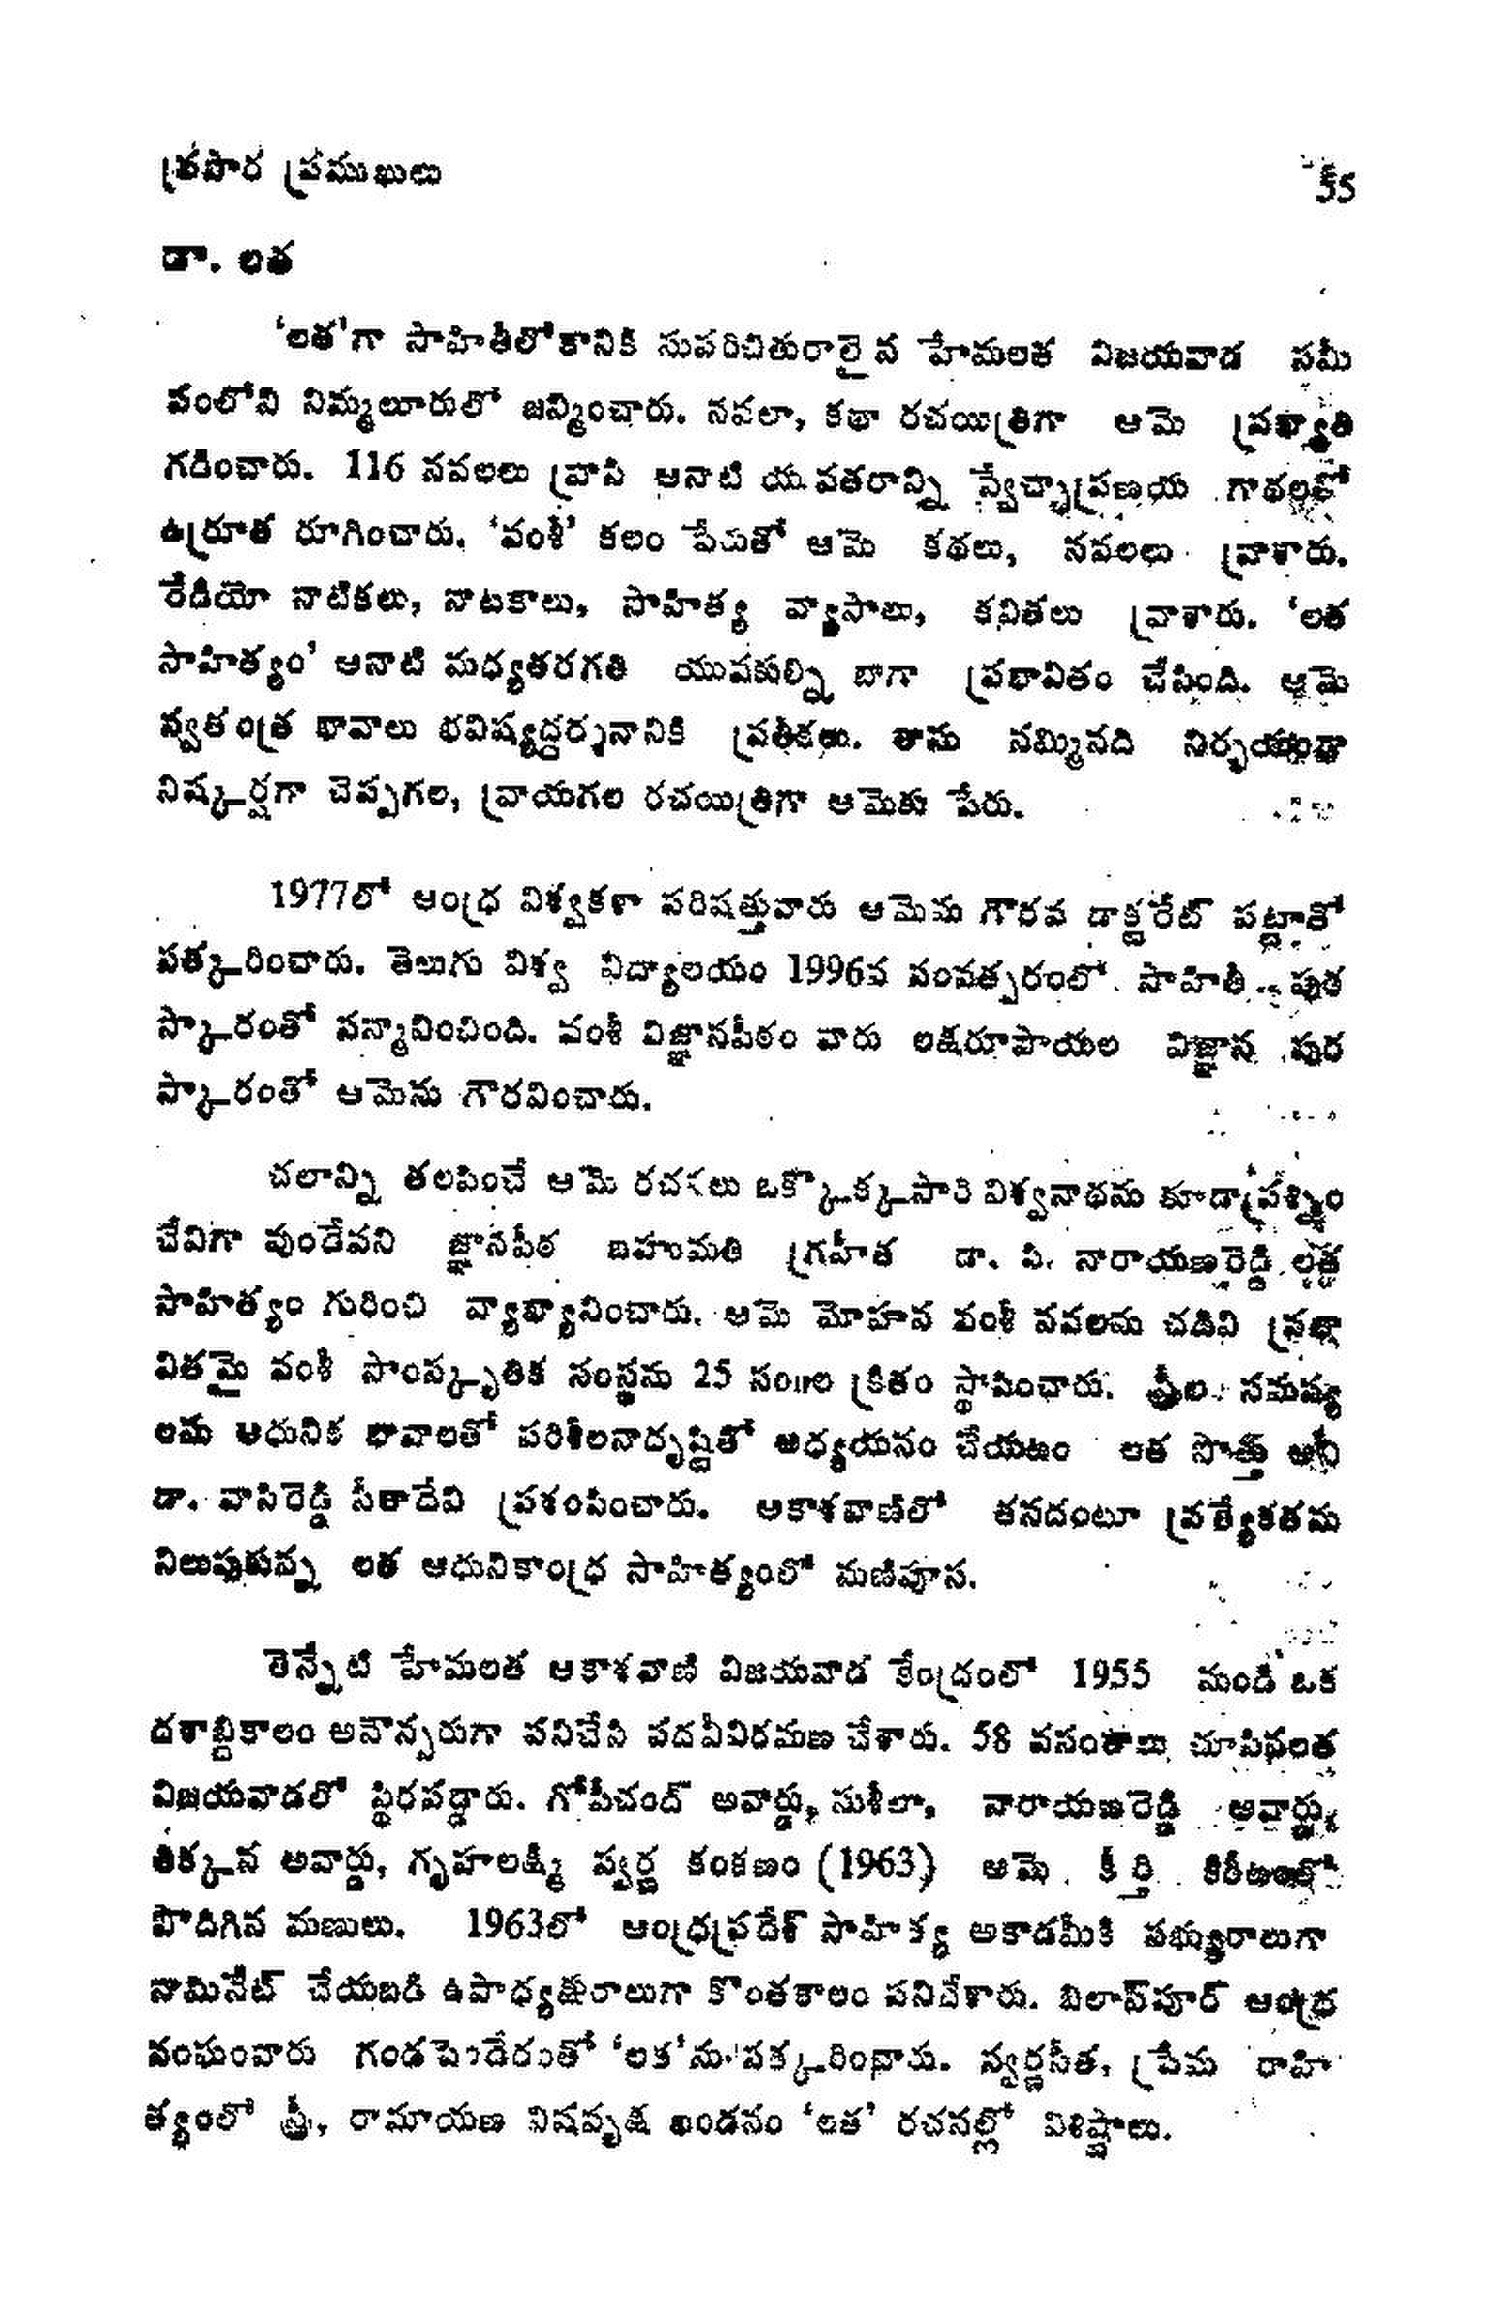'లత' గా సాహితీలోకానికి సుపరిచితురాలైన హేమలత విజయవాడ సమీపంలోని నిమ్మలూరులో జన్మించారు. నవలా, కథా రచయిత్రిగా ఆమె ప్రఖ్యాతి గడించారు. 116 నవలలు వ్రాసి ఆనాటి యువతరాన్ని స్వేచ్ఛాప్రణయ గాథలలో ఉర్రూత లూగించారు. ' వంశీ ' కలం పేరుతో ఆమె కథలు, నవలలు వ్రాశారు. రేడియో నాటికలు, నాటకాలు, సాహిత్య వ్యాసాలు, కవితలు వ్రాశారు. ' లత సాహిత్యం ' ఆనాటి మధ్యతరగతి యువకుల్ని బాగా ప్రభావితం చేసింది. ఆమె స్వతంత్ర భావాలు భవిష్యద్దర్శనానికి ప్రతీకలు. తాను నమ్మినది నిర్భయంగా నిష్కర్షగా చెప్పగల, వ్రాయగల రచయిత్రిగా ఆమెకు పేరు.

1977లో ఆంధ్ర విశ్వకళా పరిషత్తువారు ఆమెకు గౌరవ డాక్టరేట్ పట్టాతో సత్కరించారు. తెలుగు విశ్వవిద్యాలయం 1996వ సంవత్సరంలో సాహితీ పురస్కారంతో సన్మానించింది. వంశీ విజ్ఞానపీఠం వారు లక్షరూపాయల విజ్ఞాన పురస్కారంతో ఆమెను గౌరవించారు.

చలాన్ని తలపించే ఆమె రచనలు ఒక్కొక్కసారి విశ్వనాథను కూడా ప్రశ్నించేవిగా వుండేవని జ్ఞానపీఠ బహుమతి గ్రహీత డా. సి. నారాయణ రెడ్డి లత సాహిత్యం గురించి వ్యాఖ్యానించారు. ఆమె మోహన వంశీ నవలను చదివి ప్రజాహితమై వంశీ సాంస్కృతిక సంస్థను 25 సం.ల క్రితం స్థాపించారు. స్త్రీల సమస్యలను ఆధునిక భావాలతో పరిశీలనాదృష్టితో అధ్యయనం చేయటం లత సొత్తు అని డా. వాసిరెడ్డి సీతాదేవి ప్రశంసించారు. ఆకాశవాణిలో తనదంటూ ప్రత్యేకతను నిలుపుకున్న లత ఆధునికాంధ్ర సాహిత్యంలో మణిపూస.

తెన్నేటి హేమలత ఆకాశవాణి విజయవాడ కేంద్రంలొ 1955 నుండి ఒక దశాబ్దికాలం అనౌన్సరుగా పనిచేసి పదవీ విరమణ చేసారు. 58 వసంతాలు చూసిన లత విజయవాడలో స్థిరపడ్డారు. గోపీచంద్ అవార్డు, సుశీలా, నారాయణరెడ్డి అవార్డు, తిక్కన అవార్డు, గృహలక్ష్మీ స్వర్ణకంకణం (1963) ఆమె కీర్తి కిరీటంలో పొదిగిన మణులు. 1963లో ఆంధ్రప్రదేశ్ సాహిత్య అకాడమీకి సభ్యురాలుగా నామినేట్ చేయబడి ఉపాధ్యక్షురాలుగా కొంతకాలం పనిచేసారు. బిలాస్‌పూర్ ఆంధ్ర సంఘంవారు గండపెండేరంతో లతను సత్కరించారు. స్వర్ణసీత, ప్రేమ రాహిత్యంలో స్త్రీ, రామాయణ విషవృక్ష ఖండనం లత రచనల్లో విశిష్టాలు.